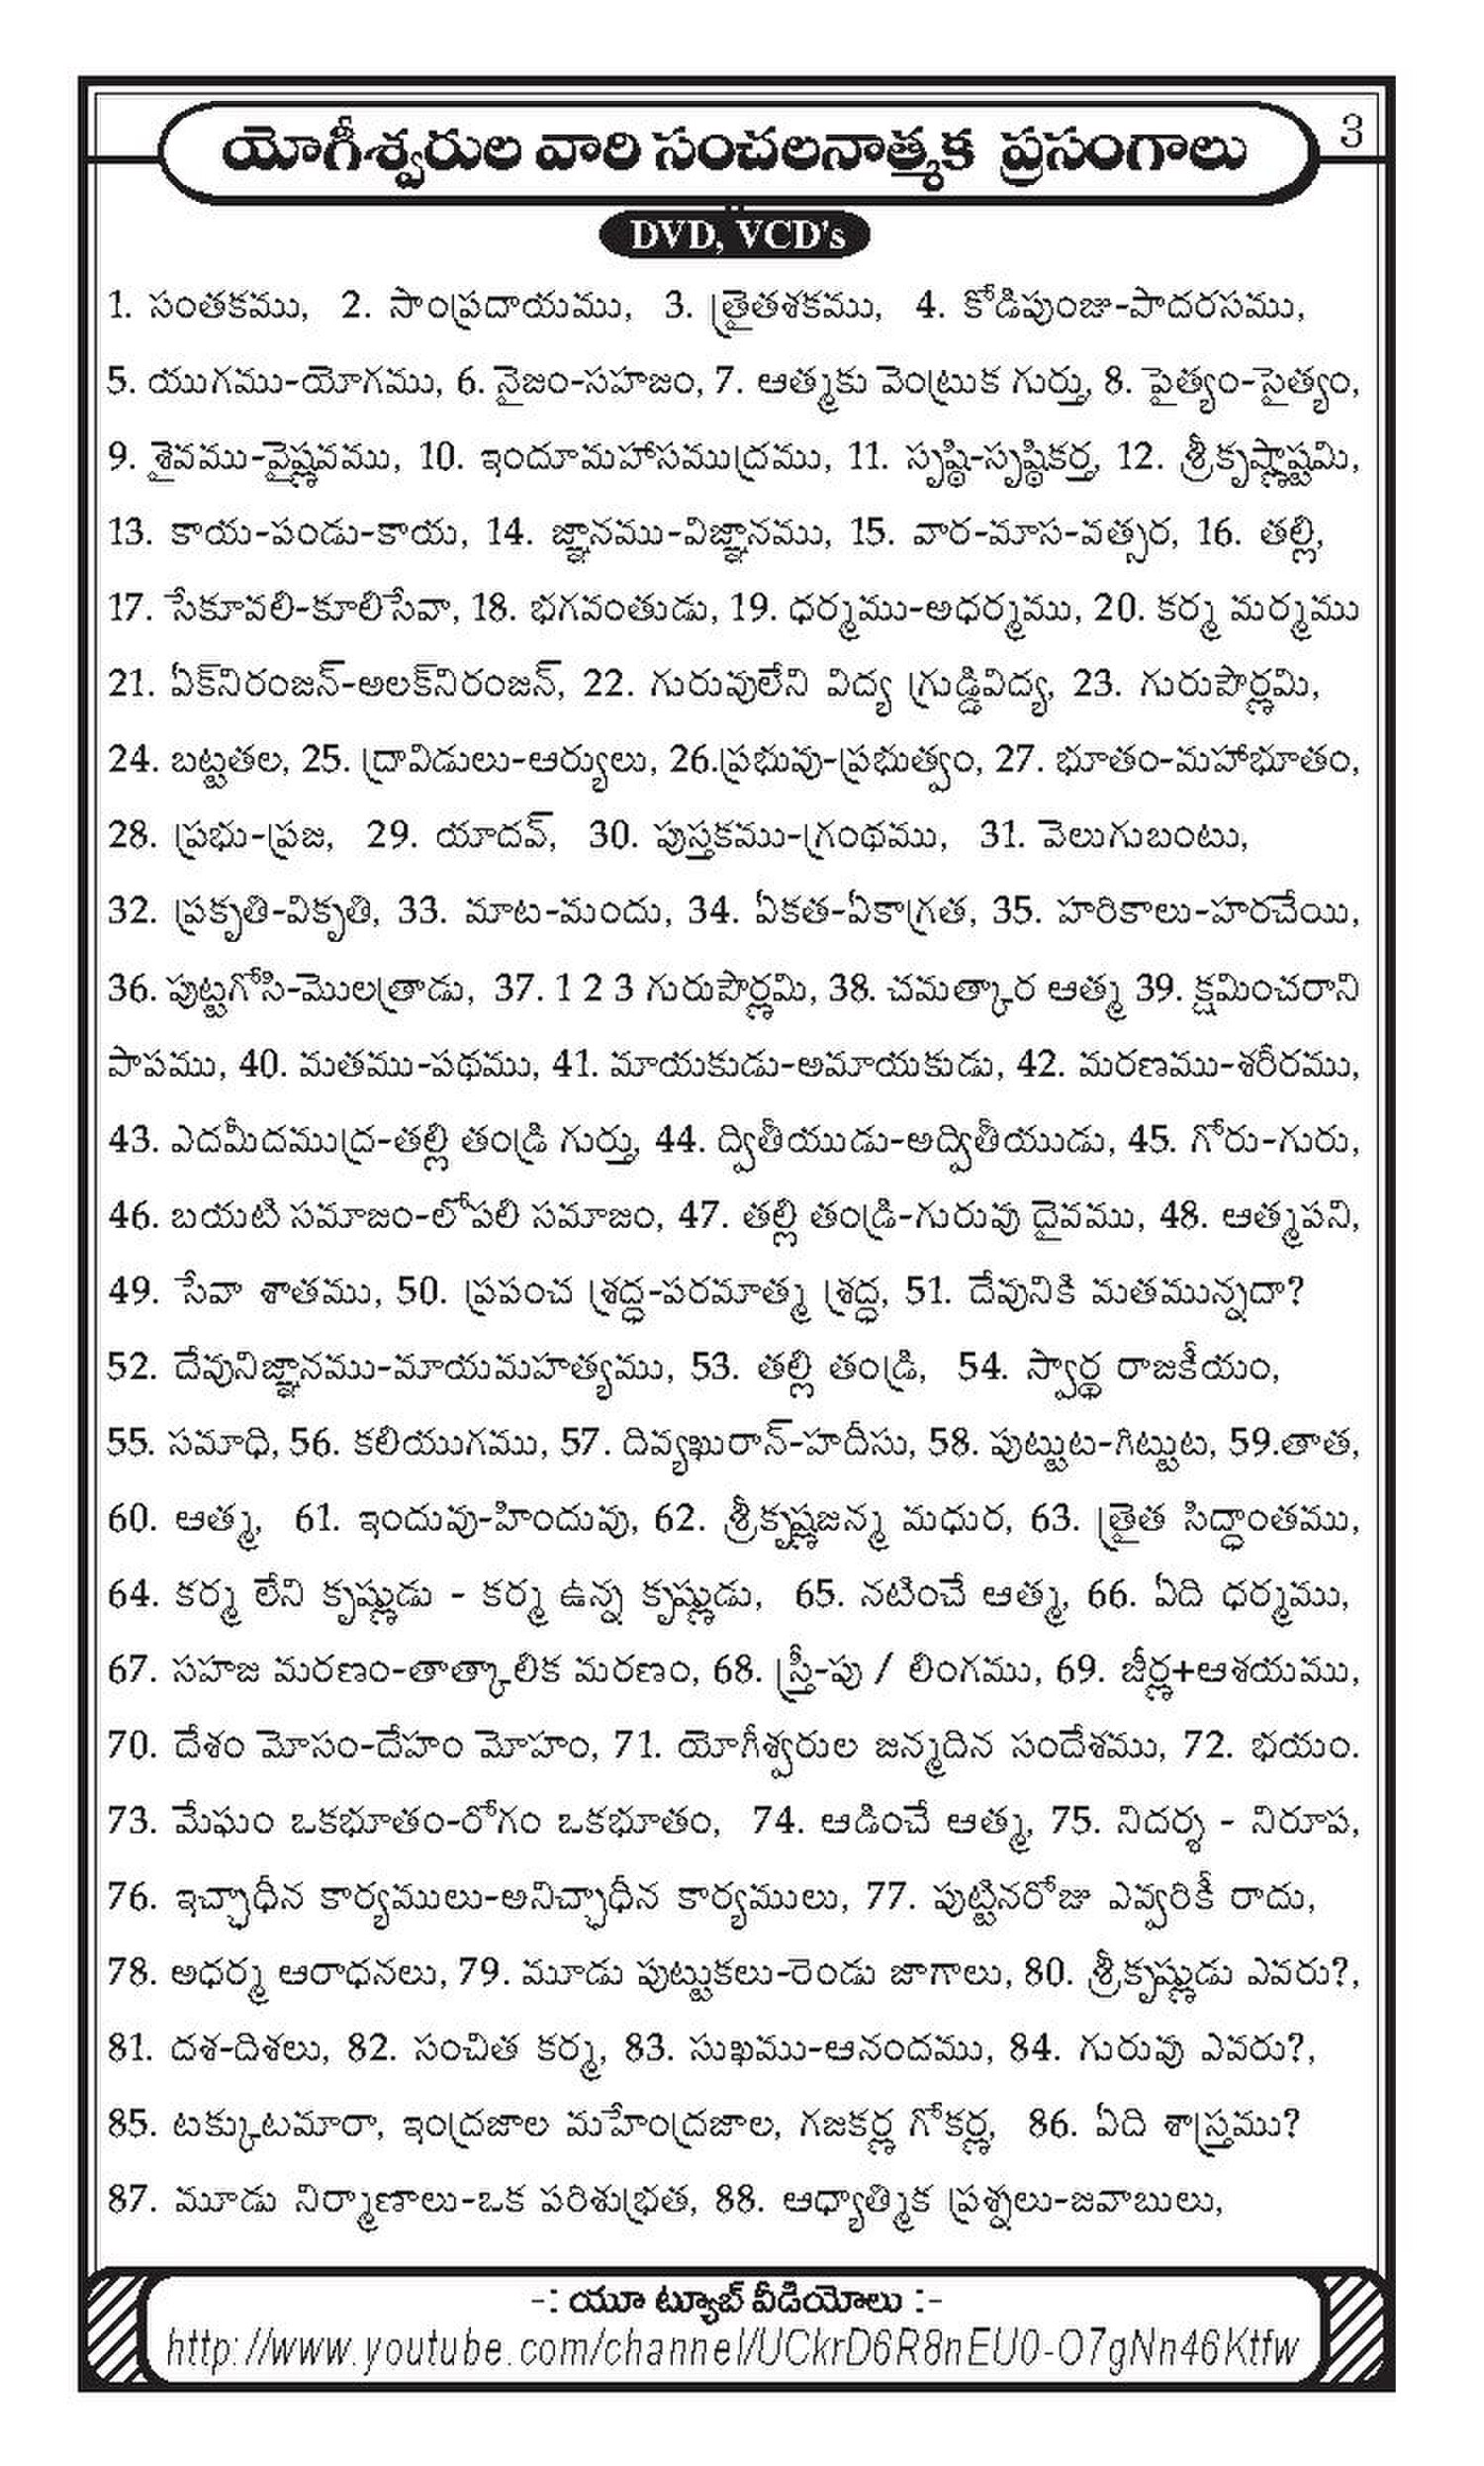యోగీశ్వరుల వారి సంచలనాత్మక ప్రసంగాలు
DVD, VCD's
 సంతకము
 సాంప్రదాయము
 త్రైతశకము
 కోడిపుంజు-పాదరసము
 యుగము-యోగము
 నైజం-సహజం
 ఆత్మకు వెంట్రుక గుర్తు
 పైత్యం-సైత్యం
 శైవము-వైష్ణవము
 ఇందూమహాసముద్రము
 సృష్ఠి-సృష్ఠికర్త
 కాయ-పండు-కాయ
 జ్ఞానము-విజ్ఞానము
 వార-మాస-వత్సర
 సేకూవలి-కూలిసేవా
 ధర్మము-అధర్మము
 ఏక్‌నిరంజన్‌-అలక్‌నిరంజన్‌
 గురువులేని విద్య గ్రుడ్డివిద్య
 బట్టతల
 భగవంతుడు
 ద్రావిడులు-ఆర్యులు
 ప్రభువు-ప్రభుత్వం
 భూతం-మహాభూతం
 ప్రభు-ప్రజ
 యాదవ్‌
 పుస్తకము-గ్రంథము
 వెలుగుబంటు
 ప్రకృతి-వికృతి
 మాట-మందు
 ఏకత-ఏకాగ్రత
 హరికాలు-హరచేయి
 పుట్టగోసి-మొలత్రాడు
 1 2 3 గురుపౌర్ణమి
 చమత్కార ఆత్మ
 క్షమించరాని పాపము
 మాయకుడు-అమాయకుడు
 మరణము-శరీరము	
 ఎదమీదముద్ర-తల్లి తండ్రి గుర్తు
 ద్వితీయుడు-అద్వితీయుడు
 బయటి సమాజం-లోపలి సమాజం
 సేవా శాతము
 ప్రపంచ శ్రద్ధ-పరమాత్మ శ్రద్ధ
 శ్రీకృష్ణాష్టమి
 దేవునిజ్ఞానము-మాయమహత్యము
 తల్లి తండ్రి
 తల్లి తండ్రి-గురువు దైవము
 సమాధి
 మతము-పథము
 కలియుగము		
 దివ్యఖురాన్‌-హదీసు
 పుట్టుట-గిట్టుట
 తల్లి
 గోరు-గురు
 కర్మ మర్మము
 ఆత్మ
 తాత
 గురుపౌర్ణమి
 ఇందువు-హిందువు
 శ్రీకృష్ణజన్మ మధుర
 ఆత్మపని
 కర్మ లేని కృష్ణుడు-కర్మ ఉన్న కృష్ణుడు
 త్రైత సిద్ధాంతము
 సహజ మరణం-తాత్కాలిక మరణం
 స్త్రీ-పు / లింగము
 ఆధ్యాత్మిక ప్రశ్నలు-జవాబులు
 దేశం మోసం-దేహం మోహం
 యోగీశ్వరుల జన్మదిన సందేశము
 జీర్ణ+ఆశయము
 మేఘం ఒకభూతం-రోగం ఒకభూతం
 దేవునికి మతమున్నదా?	
 ఇచ్ఛాధీన కార్యములు-అనిచ్ఛాధీన కార్యములు
 ఏది ధర్మము
 అధర్మ ఆరాధనలు
 మూడు పుట్టుకలు-రెండు జాగాలు
 పుట్టినరోజు ఎవ్వరికీ రాదు
 నిదర్శ-నిరూప
 నటించే ఆత్మ		
 సంచిత కర్మ
 గురువు ఎవరు? 
 శ్రీకృష్ణుడు ఎవరు?
 సుఖము-ఆనందము
 టక్కుటమారా, ఇంద్రజాల మహేంద్రజాల, గజకర్ణ గోకర్ణ
 భయం
 దశ-దిశలు
 ఆడిరచే ఆత్మ
 స్వార్థ రాజకీయం (స్వ+అర్థ రాజకీయం)
 మూడు నిర్మాణాలు-ఒక పరిశుభ్రత
 ఏది శాస్త్రము?
 తెలుగులో మూడు-ఆరు-తొమ్మిది
 6-3=6

భాషలో పాండిత్యమును విడిచి, భావములో
పాండిత్యమును చూచువాడు నిజమైన జ్ఞాని.